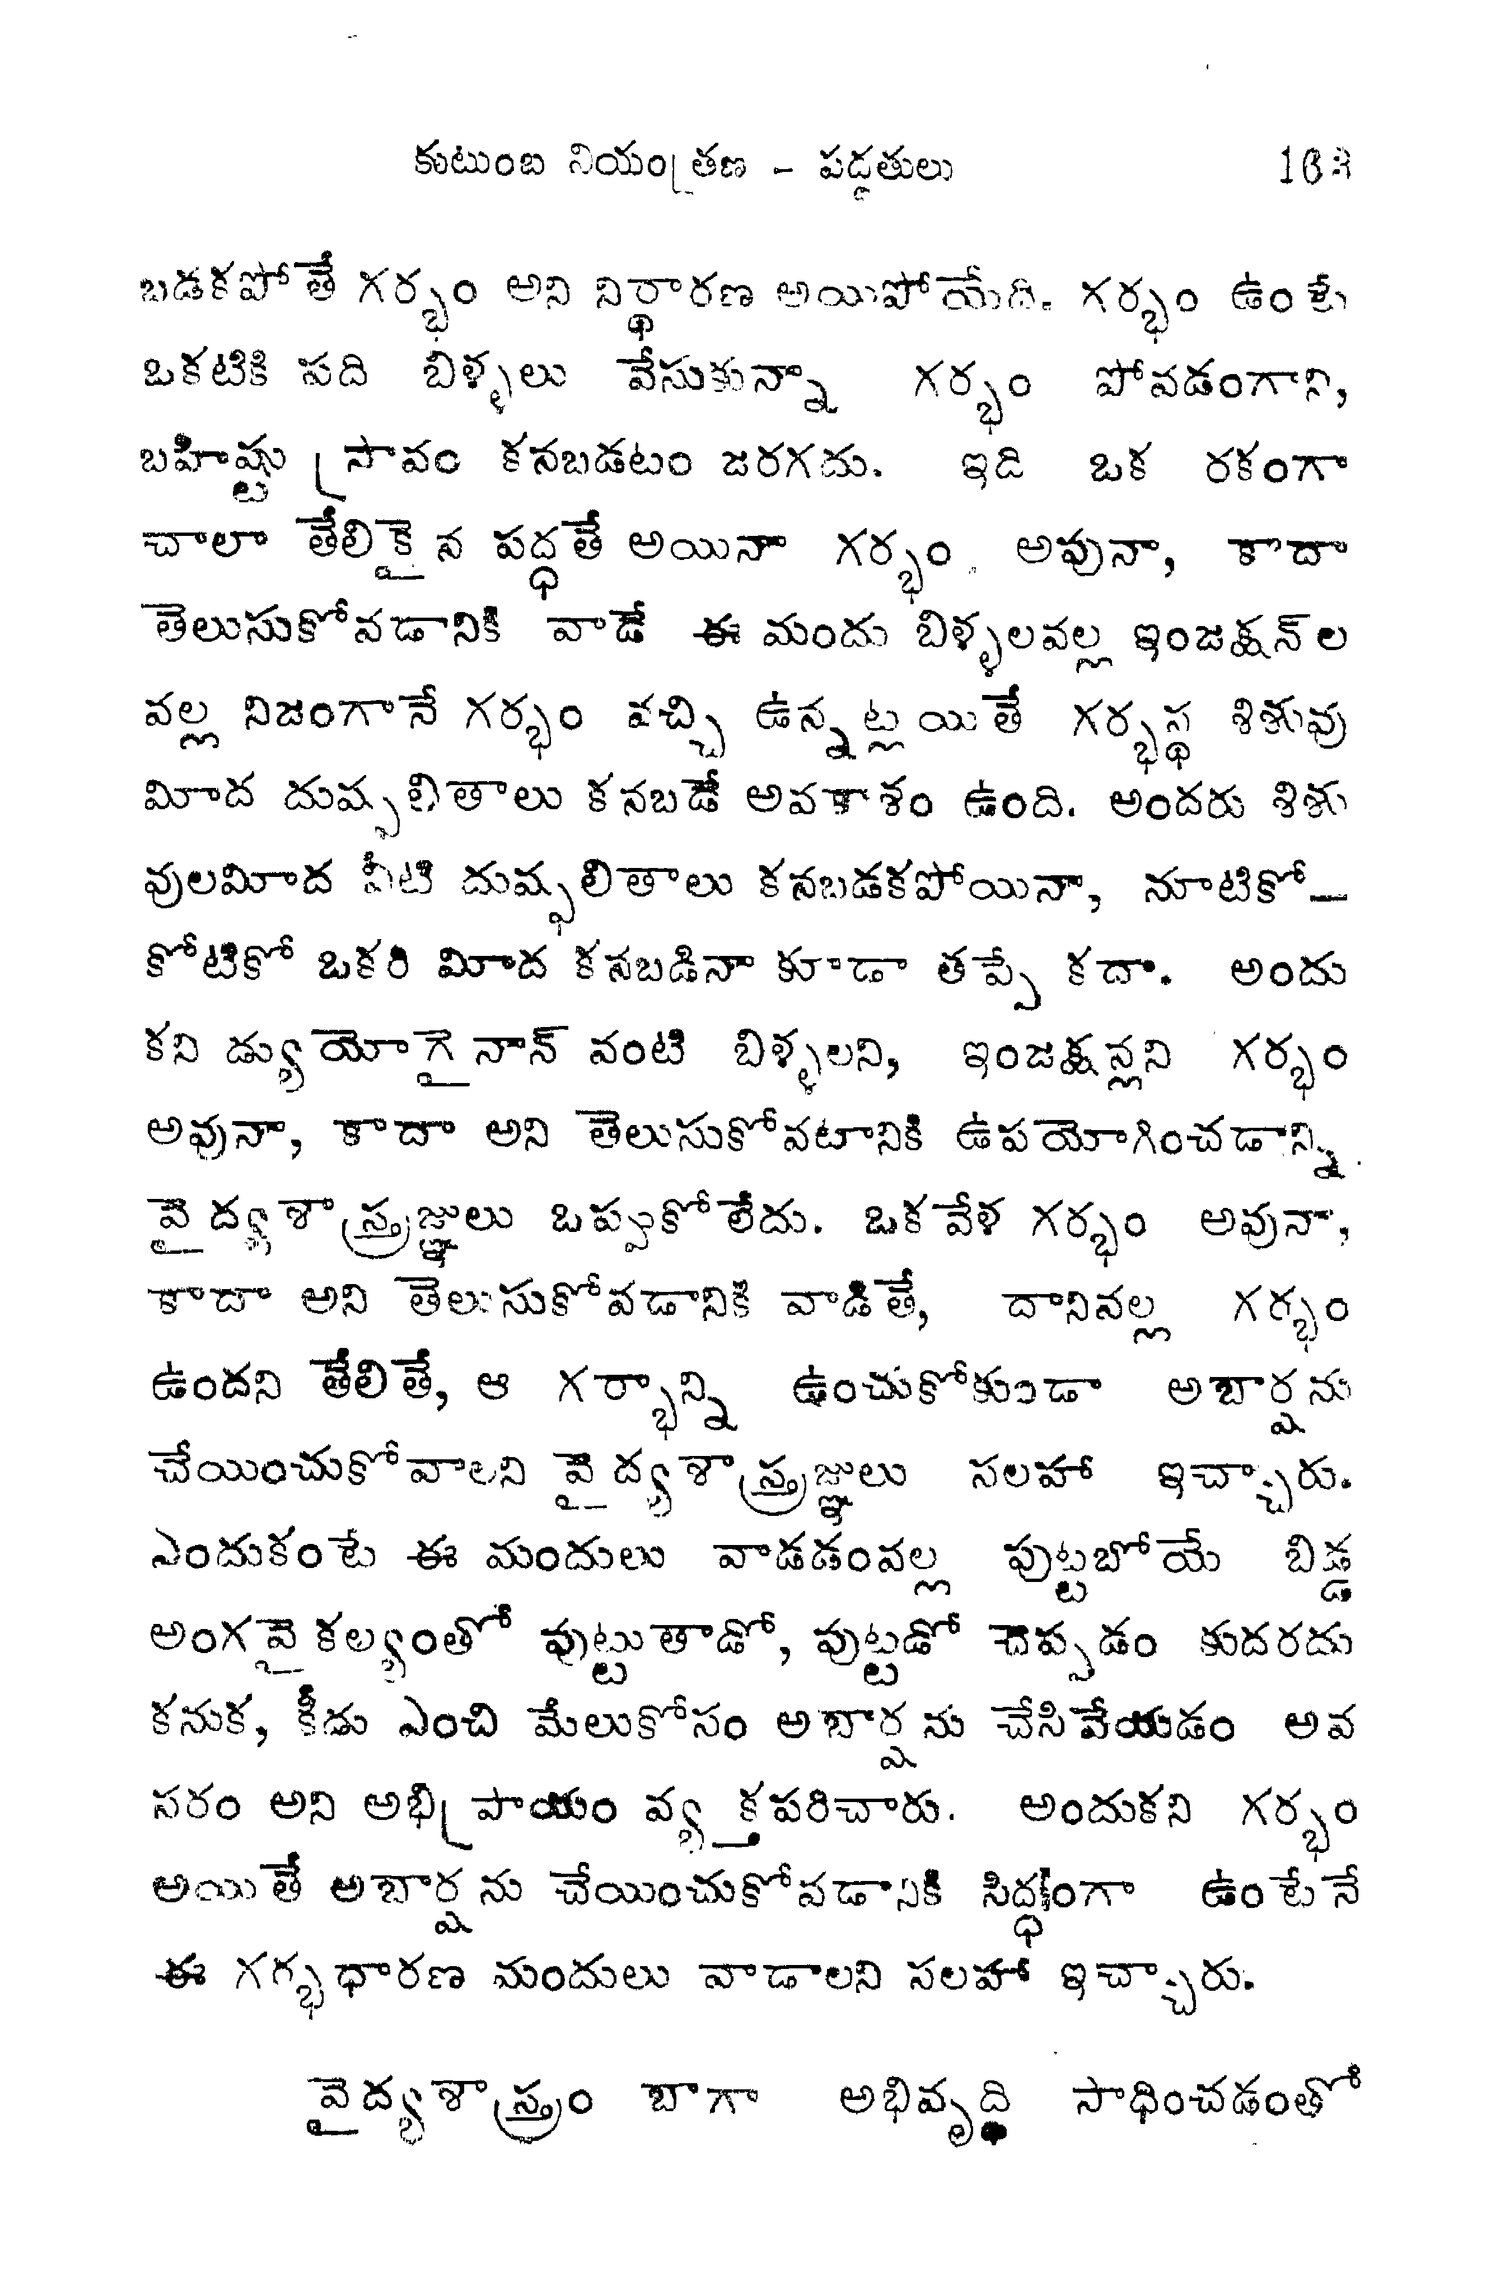బడకపోతే గర్భం అని నిర్ధారణ అయిపోయేది. గర్భం ఉంటే ఒకటికి పది బిళ్ళలు వేసుకున్నా గర్భం పోవడంగాని, బహిష్టు స్రావం కనబడటం జరగదు. ఇది ఒక రకంగా చాలా తేలికైన పద్ధతే అయినా గర్భం అవునా, కదా తెలుసుకోవడానికి వాడే ఈ మందు బిళ్ళలవల్ల ఇంజక్షన్‌ల వల్ల నిజంగానే గర్భం వచ్చి ఉన్నట్లయితే గర్బస్థ శిశువు మీద దుష్పలితాలు కనబడే అవకాశం ఉంది. అందరు శిశువులమీద వీటిదుష్పలితాలు కనబడకపోయినా, నూటికో - కోటికో ఒకరి మీద కనపడినా కూడా తప్పే కదా. అందుకని డ్యుయోగైనాన్ వంటి బిళ్ళ్లని, ఇంజక్షన్లని గర్భం అవునా, కాదాఅని తెలుసుకోవటానికి ఉపయోగించడాన్ని వైద్యశాస్త్రజ్ఞులు ఒప్పుకోలేదు. ఒకవేళ గర్భం అవునా, కాదా అని తెలుసుకోవడానికి వాడితే, దానివల్ల గర్భం ఉందని తేలితే, ఆ గర్భాన్ని ఉంచుకోకుండా అబార్షను చేయించుకోవాలని వైద్యశాస్త్రజ్ఞులు సలహా ఇచ్చారు. ఎందుకంటే ఈ మందులు వాడడంవల్ల పుట్టబోయే బిడ్డ అంగవైకల్యంతో పుట్టుతాడో, పుట్టడో చెప్పడం కుదరదు కనుక, కీడు ఎంచి మేలుకోసం అబార్షను చేసివేయడం అవసరం అని అభీప్రాయం వ్యక్తపరిచారు. అందుకని గర్భం అయితే అబార్షను చేయించుకోవడానికి సిద్ధంగా ఉంటేనే ఈ గర్భధారణ మందులు వాడాలని సలహా ఇచ్చారు.

వైద్యశాస్త్రం బాగా అభివృద్ది సాధించడంతో